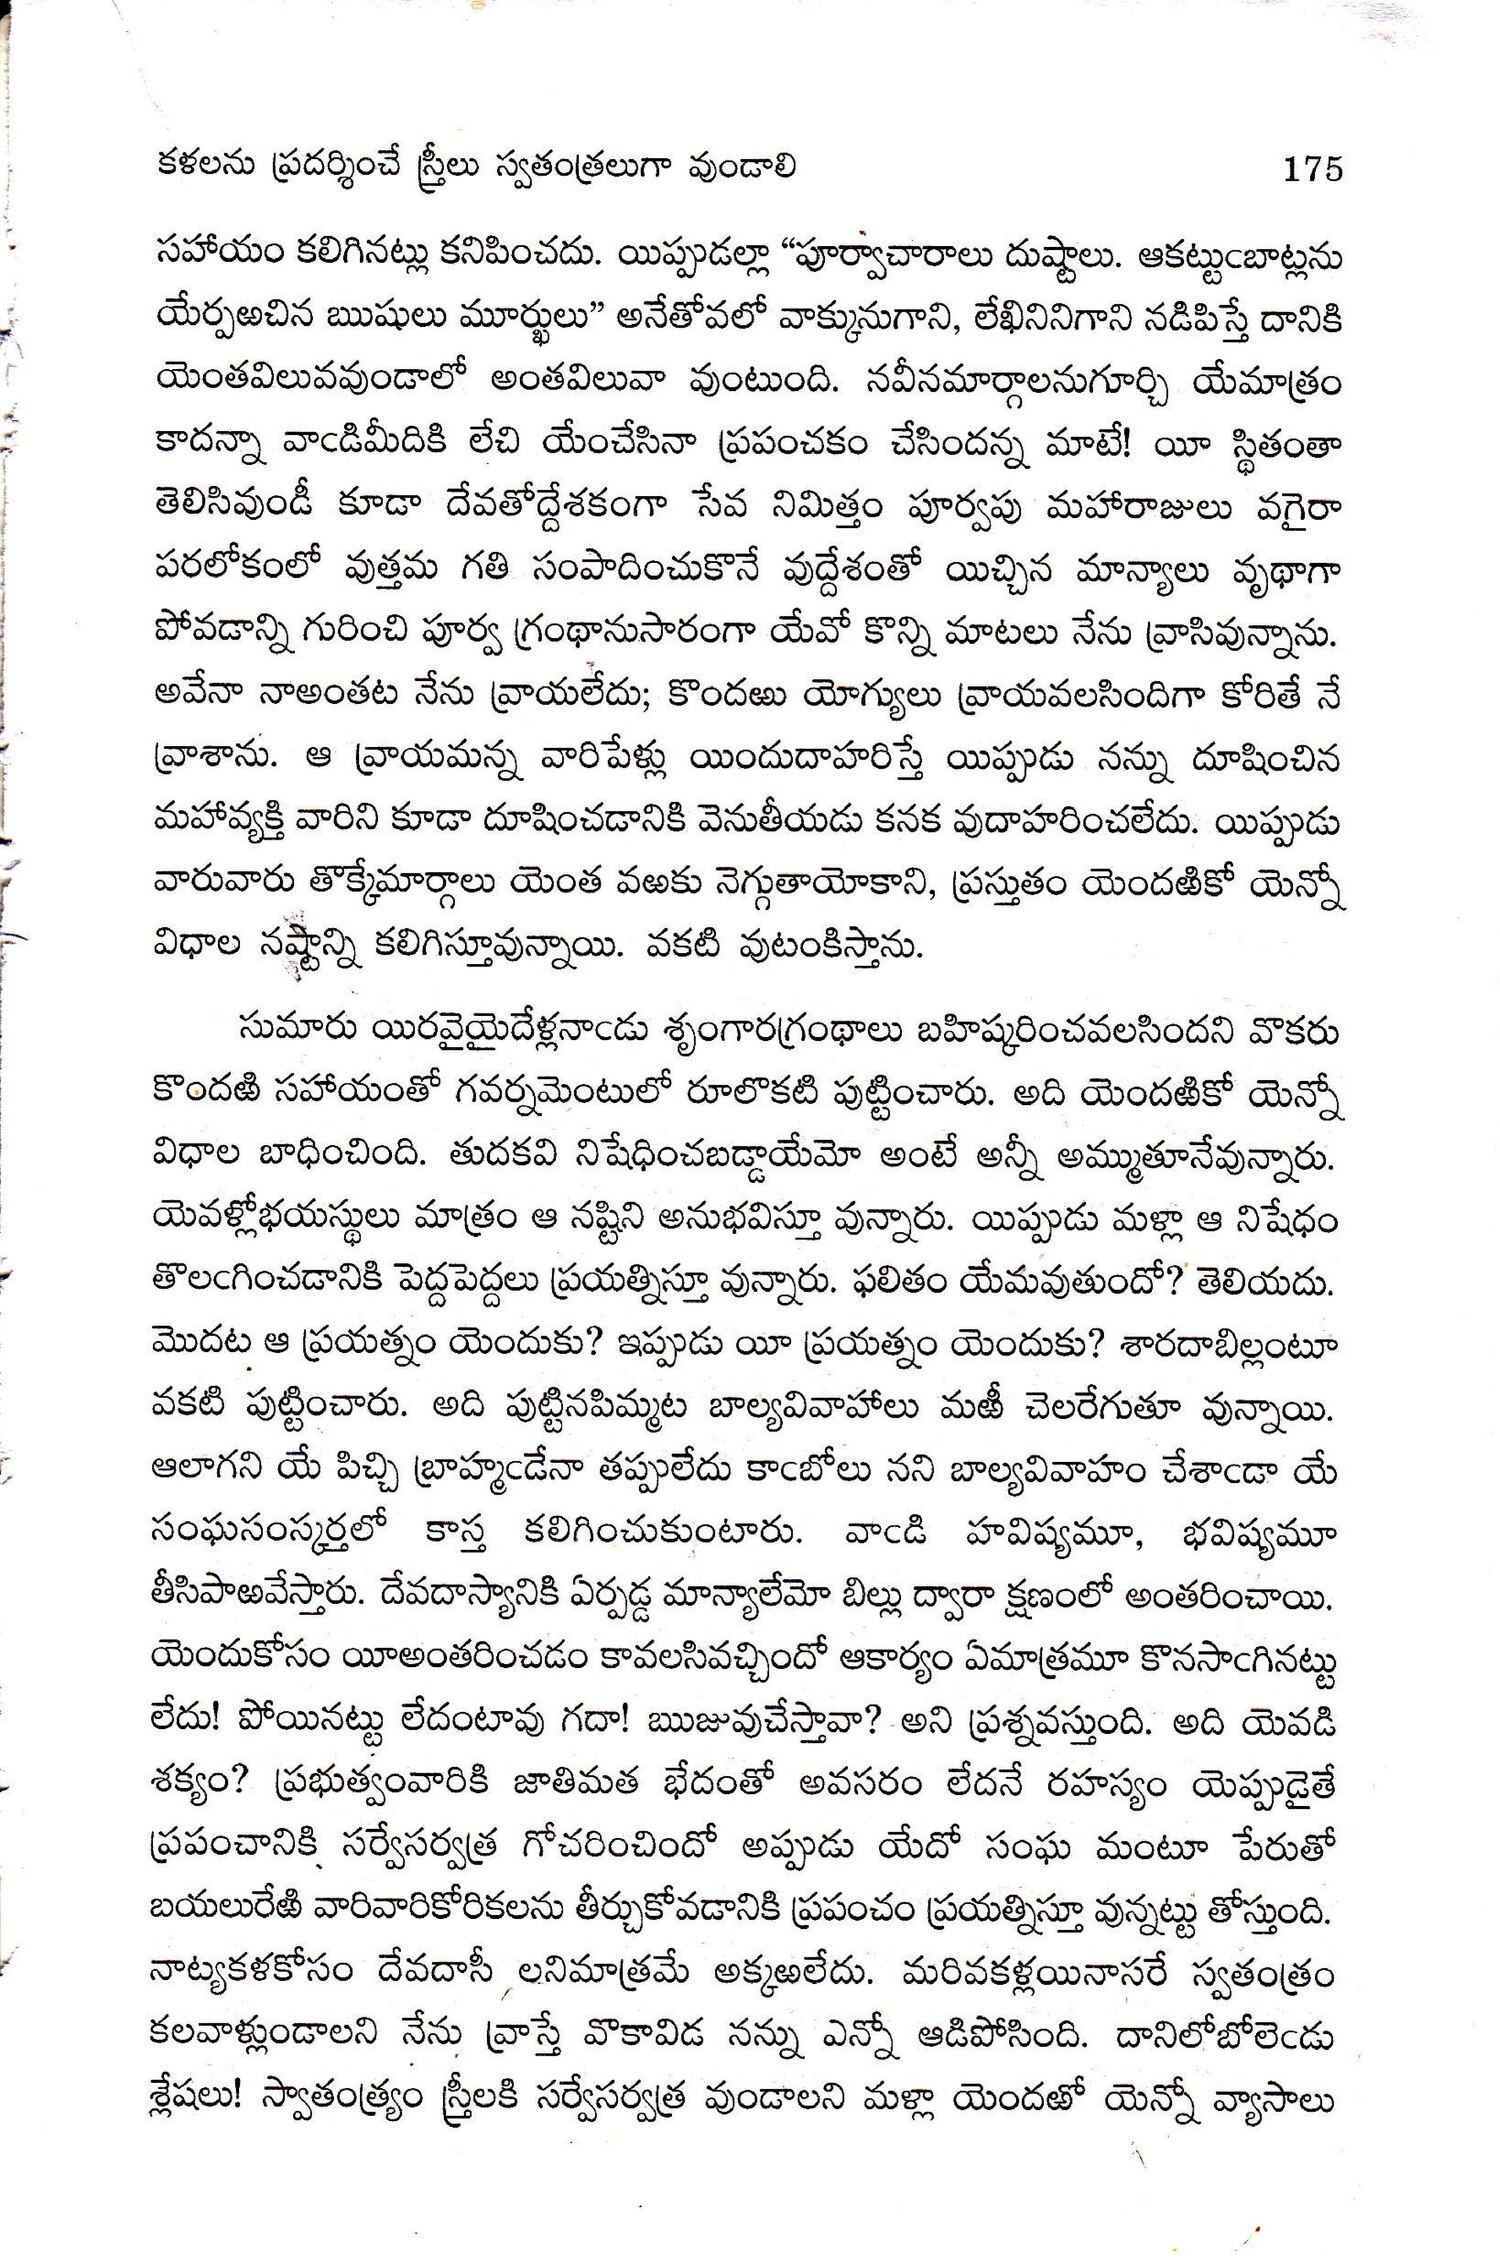సహాయం కలిగినట్లు కనిపించదు. యిప్పుడల్లా “పూర్వాచారాలు దుష్టాలు. ఆకట్టుఁబాట్లను యేర్పఱచిన ఋషులు మూర్ఖులు" అనేతోవలో వాక్కునుగాని, లేఖినినిగాని నడిపిస్తే దానికి యెంతవిలువవుండాలో అంతవిలువా వుంటుంది. నవీనమార్గాలనుగూర్చి యేమాత్రం కాదన్నా వాఁడిమీదికి లేచి యేంచేసినా ప్రపంచకం చేసిందన్న మాటే! యీ స్థితంతా తెలిసివుండీ కూడా దేవతోద్దేశకంగా సేవ నిమిత్తం పూర్వపు మహారాజులు వగైరా పరలోకంలో వుత్తమ గతి సంపాదించుకొనే వుద్దేశంతో యిచ్చిన మాన్యాలు వృథాగా పోవడాన్ని గురించి పూర్వ గ్రంథానుసారంగా యేవో కొన్ని మాటలు నేను వ్రాసివున్నాను. అవేనా నాఅంతట నేను వ్రాయలేదు; కొందఱు యోగ్యులు వ్రాయవలసిందిగా కోరితే నే వ్రాశాను. ఆ వ్రాయమన్న వారిపేళ్లు యిందుదాహరిస్తే యిప్పుడు నన్ను దూషించిన మహావ్యక్తి వారిని కూడా దూషించడానికి వెనుతీయడు కనక వుదాహరించలేదు. యిప్పుడు వారువారు తొక్కేమార్గాలు యెంత వఱకు నెగ్గుతాయోకాని, ప్రస్తుతం యెందఱికో యెన్నో విధాల నష్టాన్ని కలిగిస్తూవున్నాయి. వకటి వుటంకిస్తాను.

సుమారు యిరవైయైదేళ్లనాఁడు శృంగారగ్రంథాలు బహిష్కరించవలసిందని వొకరు కొందఱి సహాయంతో గవర్నమెంటులో రూలొకటి పుట్టించారు. అది యెందఱికో యెన్నో విధాల బాధించింది. తుదకవి నిషేధించబడ్డాయేమో అంటే అన్నీ అమ్ముతూనేవున్నారు. యెవళ్లోభయస్టులు మాత్రం ఆ నష్టిని అనుభవిస్తూ వున్నారు. యిప్పుడు మళ్లా ఆ నిషేధం తొలంగించడానికి పెద్దపెద్దలు ప్రయత్నిస్తూ వున్నారు. ఫలితం యేమవుతుందో? తెలియదు. మొదట ఆ ప్రయత్నం యెందుకు? ఇప్పుడు యీ ప్రయత్నం యెందుకు? శారదాబిల్లంటూ వకటి పుట్టించారు. అది పట్టినపిమ్మట బాల్యవివాహాలు మఱీ చెలరేగుతూ వున్నాయి. ఆలాగని యే పిచ్చి బ్రాహ్మఁడేనా తప్పులేదు కాఁబోలు నని బాల్యవివాహం చేశాఁడా యే సంఘసంస్కర్తలో కాస్త కలిగించుకుంటారు. వాఁడి హవిష్యమూ, భవిష్యమూ తీసిపాఱవేస్తారు. దేవదాస్యానికి ఏర్పడ్డ మాన్యాలేమో బిల్లు ద్వారా క్షణంలో అంతరించాయి. యెందుకోసం యీఅంతరించడం కావలసివచ్చిందో ఆకార్యం ఏమాత్రమూ కొనసాఁగినట్టు లేదు! పోయినట్టు లేదంటావు గదా! ఋజువుచేస్తావా? అని ప్రశ్నవస్తుంది. అది యెవడి శక్యం? ప్రభుత్వంవారికి జాతిమత భేదంతో అవసరం లేదనే రహస్యం యెప్పుడైతే ప్రపంచానికి సర్వేసర్వత్ర గోచరించిందో అప్పుడు యేదో సంఘ మంటూ పేరుతో బయలుదేఱి వారివారికోరికలను తీర్చుకోవడానికి ప్రపంచం ప్రయత్నిస్తూ వున్నట్టు తోస్తుంది. నాట్యకళకోసం దేవదాసీ లనిమాత్రమే అక్కఱలేదు. మరివకళ్లయినాసరే స్వతంత్రం కలవాళ్లుండాలని నేను వ్రాస్తే వొకావిడ నన్ను ఎన్నో ఆడిపోసింది. దానిలో బోలెఁడు శ్లేషలు! స్వాతంత్ర్యం స్త్రీలకి సర్వేసర్వత్ర వుండాలని మళ్లా యెందఱో యెన్నో వ్యాసాలు